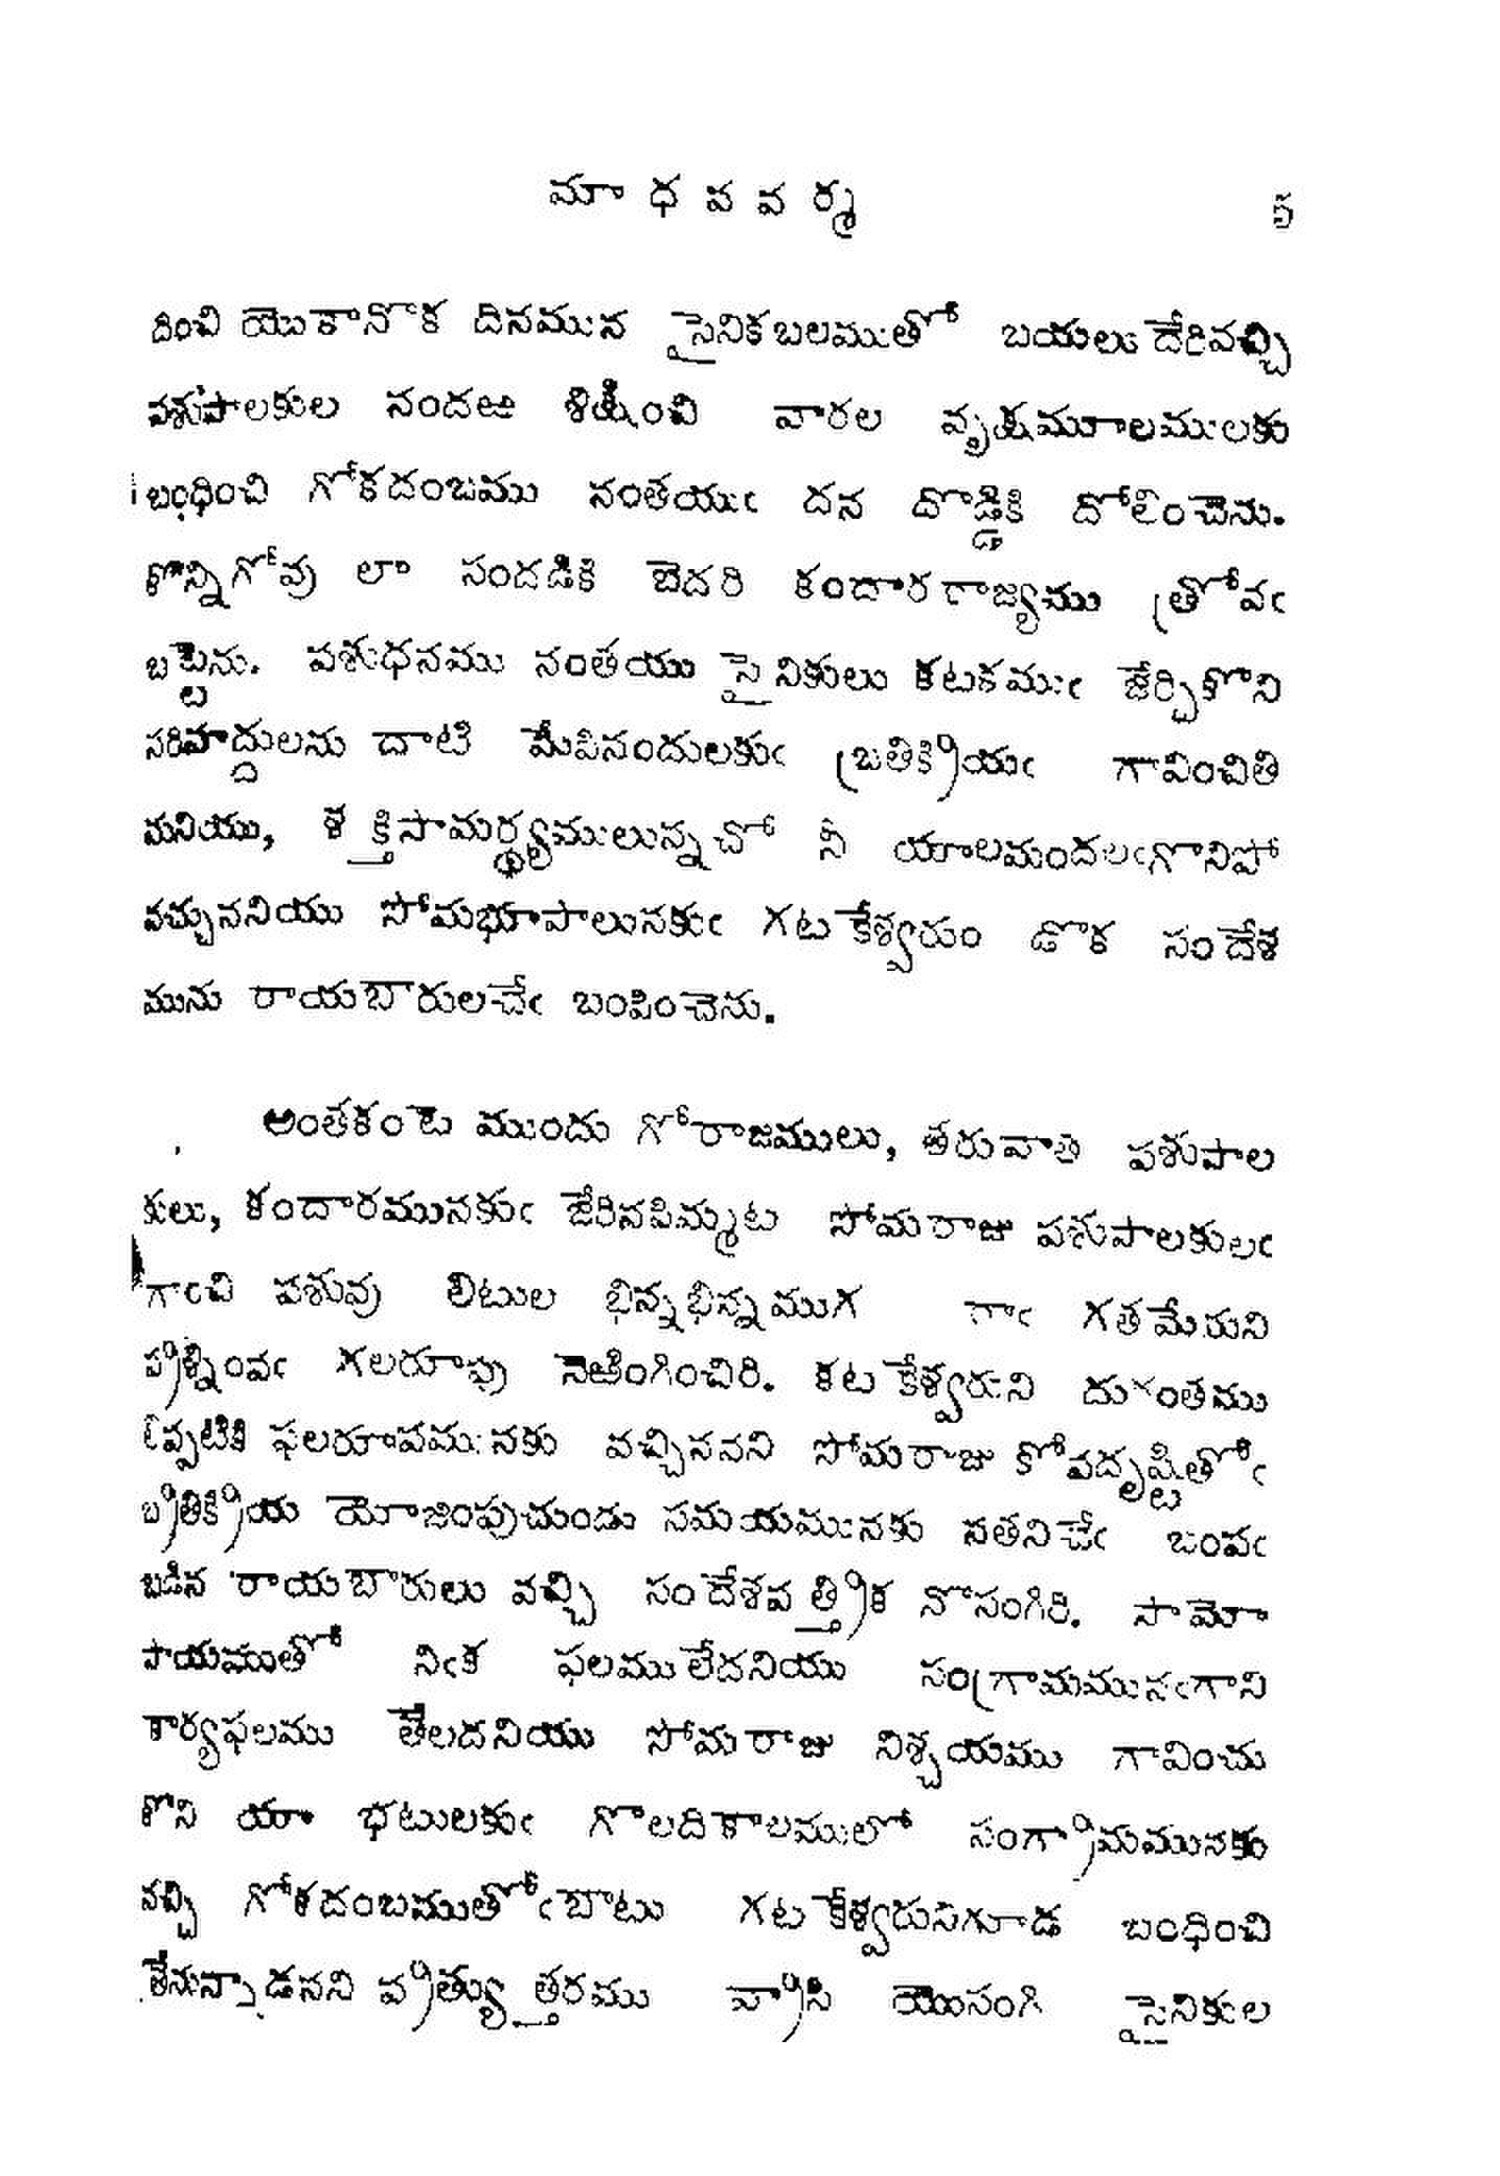దించి యొకానొక దినమున సైనికబలముతో బయలుదేరివచ్చి పశుపాలకుల నందఱ శిక్షించి వారల వృక్షమూలములకు బంధించి గోకదంబము నంతయు దన దొడ్డికి దోలించెను. కొన్నిగోవు లా సందడికి బెదరి కందారరాజ్యము త్రోవబట్టెను. పశుధనము నంతయు సైనికులు కటకము జేర్చికొని సరిహద్దులను దాటి మేపినందులకు బ్రతిక్రియ గావించితిమనియు, శక్తిసామర్థ్యములున్నచో నీ యాలమందలగొనిపోవచ్చుననియు సోమభూపాలునకు గటకేశ్వరుం డొక సందేశమును రాయబారులచే బంపించెను.

అంతకంటె ముందు గోరాజములు, తరువాత పశుపాలకులు, కందారమునకు జేరినపిమ్మట సోమరాజు పసుపాలకుల గాంచి పశువు లిటుల భిన్నభిన్నముగ రా గతమేమని ప్రశ్నింప గలరూపు నెఱింగించిరి. కటకేశ్వరుని దురంతము లిప్పటికి ఫలరూపమునకు వచ్చినవని సోమరాజు కోపదృష్టితో బ్రతిక్రియ యోజింపుచుండు సమయమునకు నతనిచే బంపబడిన రాయబారులు వచ్చి సందేశపత్రిక నొసంగిరి. సామోపాయముతో నిక ఫలములేదనియు సంగ్రామమునగాని కార్యఫలము తేలదనియు సోమరాజు నిశ్చయము గావించుకొని యా భటులకు గొలదికాలములో సంగ్రామమునకు వచ్చి గోకదంబముతోబాటు గటకేశ్వరునిగూడ బంధించి తేనున్నాడనని ప్రత్యుత్తరము వ్రాసి యొసంగి సైనికుల